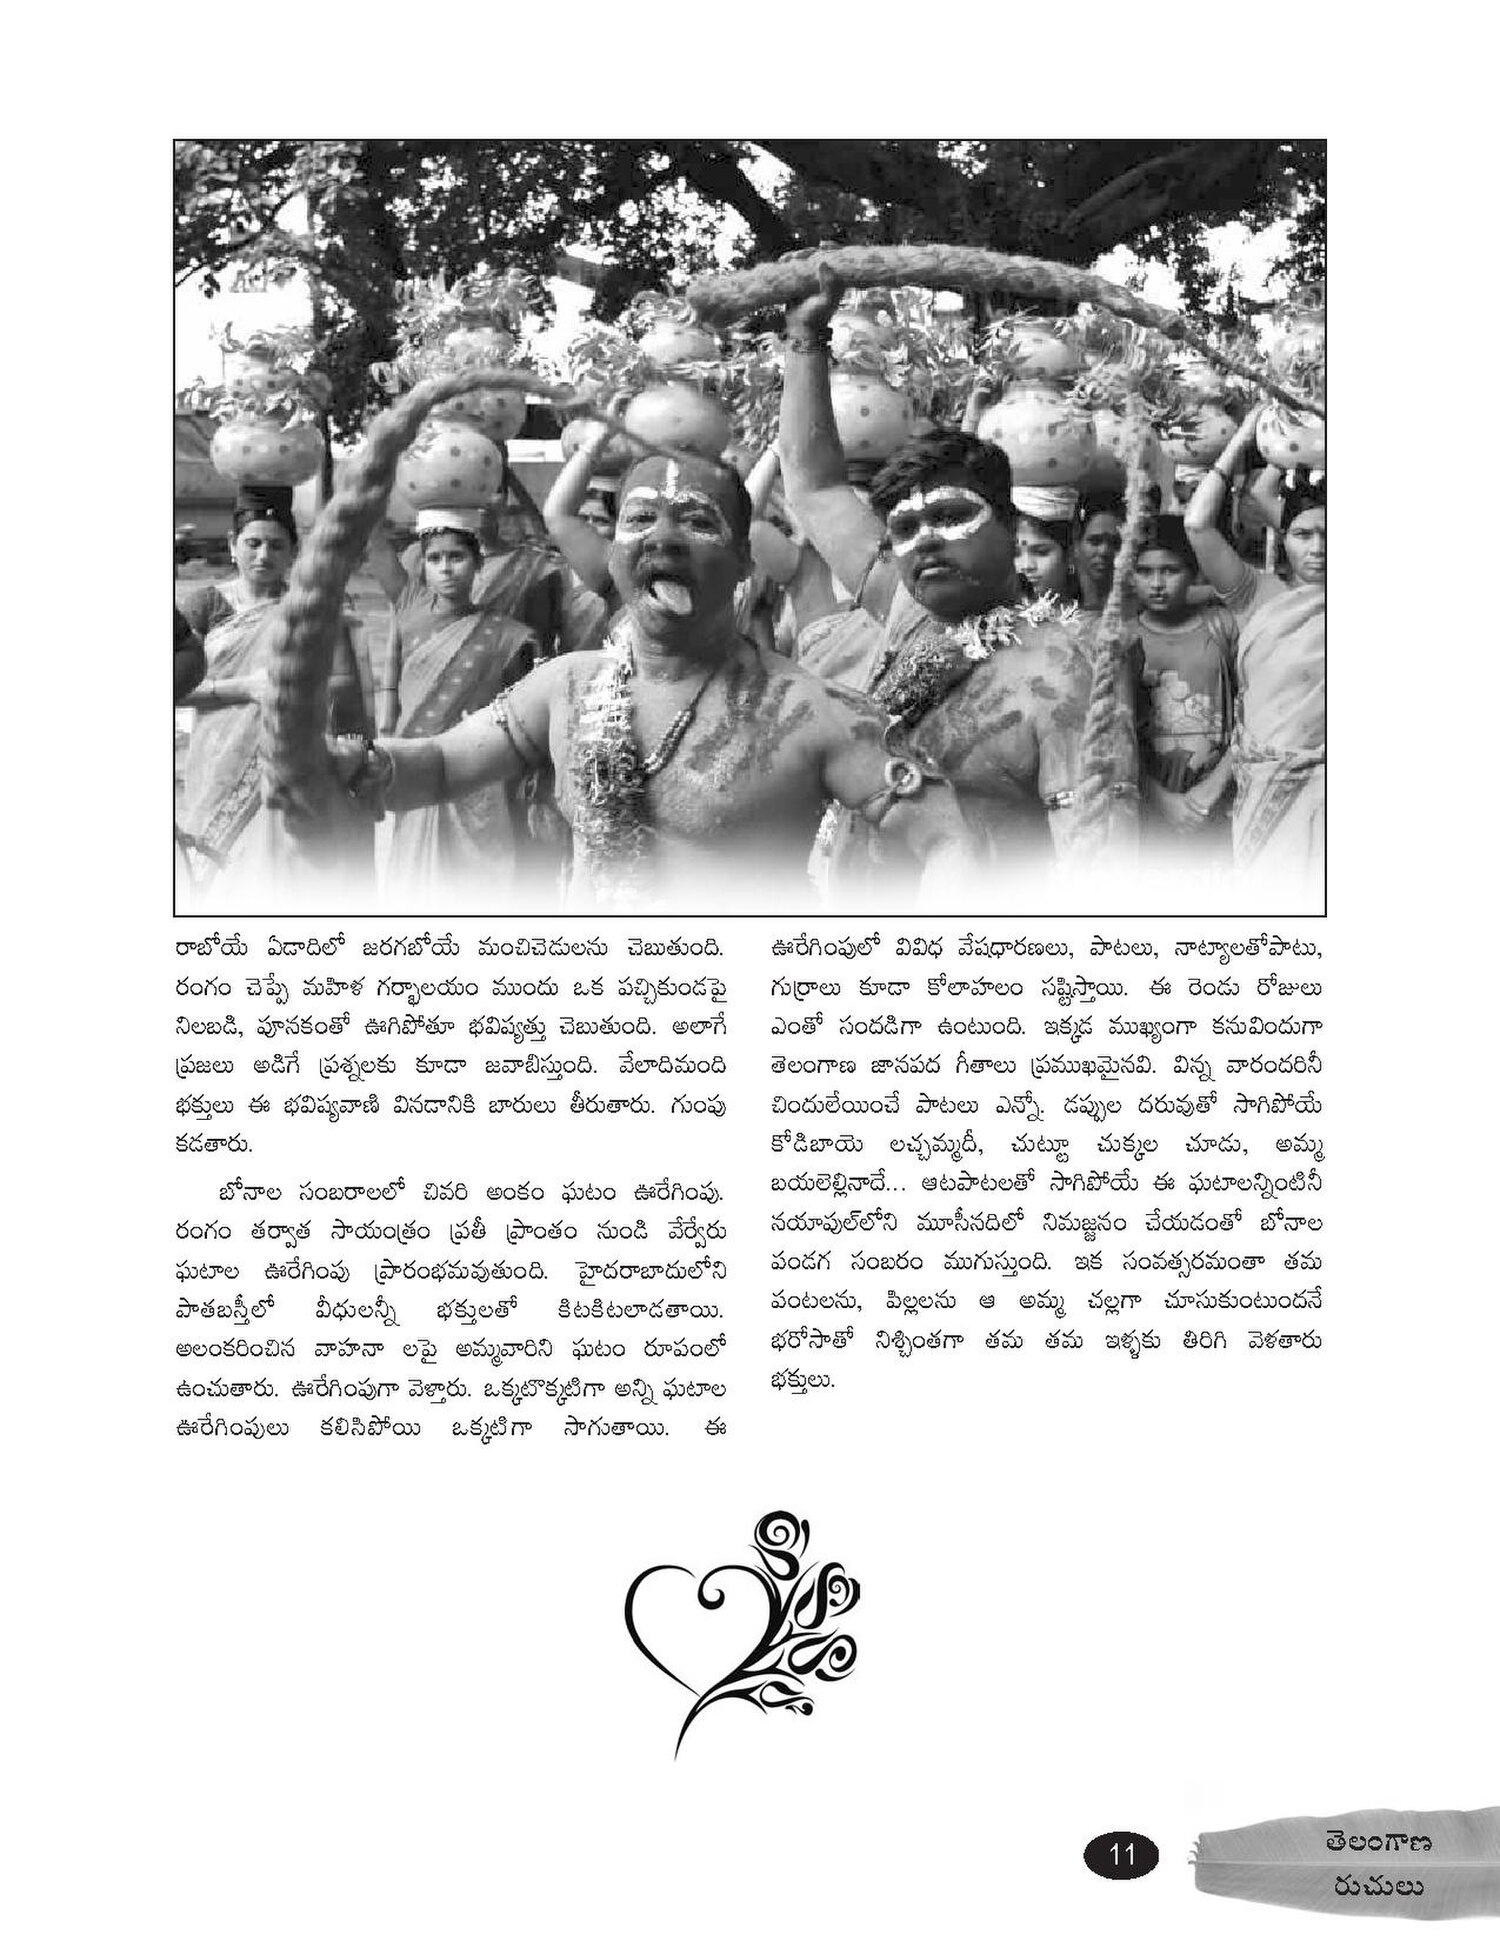రాబోయే ఏడాదిలో జరగబోయే మంచిచెడులను చెబుతుంది. రంగం చెప్పే మహిళ గర్భాలయం ముందు ఒక పచ్చికుండపై నిలబడి, పూనకంతో ఊగిపోతూ భవిష్యత్తు చెబుతుంది. అలాగే ప్రజలు అడిగే ప్రశ్నలకు కూడా జవాబిస్తుంది. వేలాది మంది భక్తులు ఈ భవిష్యవాణి వినడానికి బారులు తీరుతారు. గుంపు కడతారు.

బోనాల సంబరాలలో చివరి అంకం ఘటం ఊరేగింపు. రంగం తర్వాత సాయంత్రం ప్రతీ ప్రాంతం నుండి వేర్వేరు
ఘటాల ఊరేగింపు ప్రారంభమవుతుంది. హైదరాబాదులోని పాతబస్తీలో వీధులన్నీ భక్తులతో కిటకిటలాడతాయి.
అలంకరించిన వాహనా లపై అమ్మవారిని ఘటం రూపంలో ఉంచుతారు. ఊరేగింపుగా వెళ్తారు. ఒక్కటొక్కటిగా అన్ని ఘటాల ఊరేగింపులు కలిసిపోయి ఒక్కటిగా సాగుతాయి. ఊరేగింపులో వివిధ వేషధారణలు, పాటలు, నాట్యాలతోపాటు,
గుర్రాలు కూడా కోలాహలం సష్టిస్తాయి. ఈ రెండు రోజులు ఎంతో సందడిగా ఉంటుంది. ఇక్కడ ముఖ్యంగా కనువిందుగా
తెలంగాణ జానపద గీతాలు ప్రముఖమైనవి. విన్న వారందరినీ చిందులేయించే పాటలు ఎన్నో. డప్పుల దరువుతో సాగిపోయే కోడిబాయె లచ్చమ్మదీ, చుట్టూ చుక్కల చూడు, అమ్మ బయలెల్లినాదే... ఆటపాటలతో సాగిపోయే ఈ ఘటాలన్నింటినీ నయాపుల్లోని మూసీనదిలో నిమజ్జనం చేయడంతో బోనాల పండగ సంబరం ముగుస్తుంది. ఇక సంవత్సరమంతా తమ పంటలను, పిల్లలను ఆ అమ్మ చల్లగా చూసుకుంటుందనే భరోసాతో నిశ్చింతగా తమ తమ ఇళ్ళకు తిరిగి వెళతారు.భక్తులు.